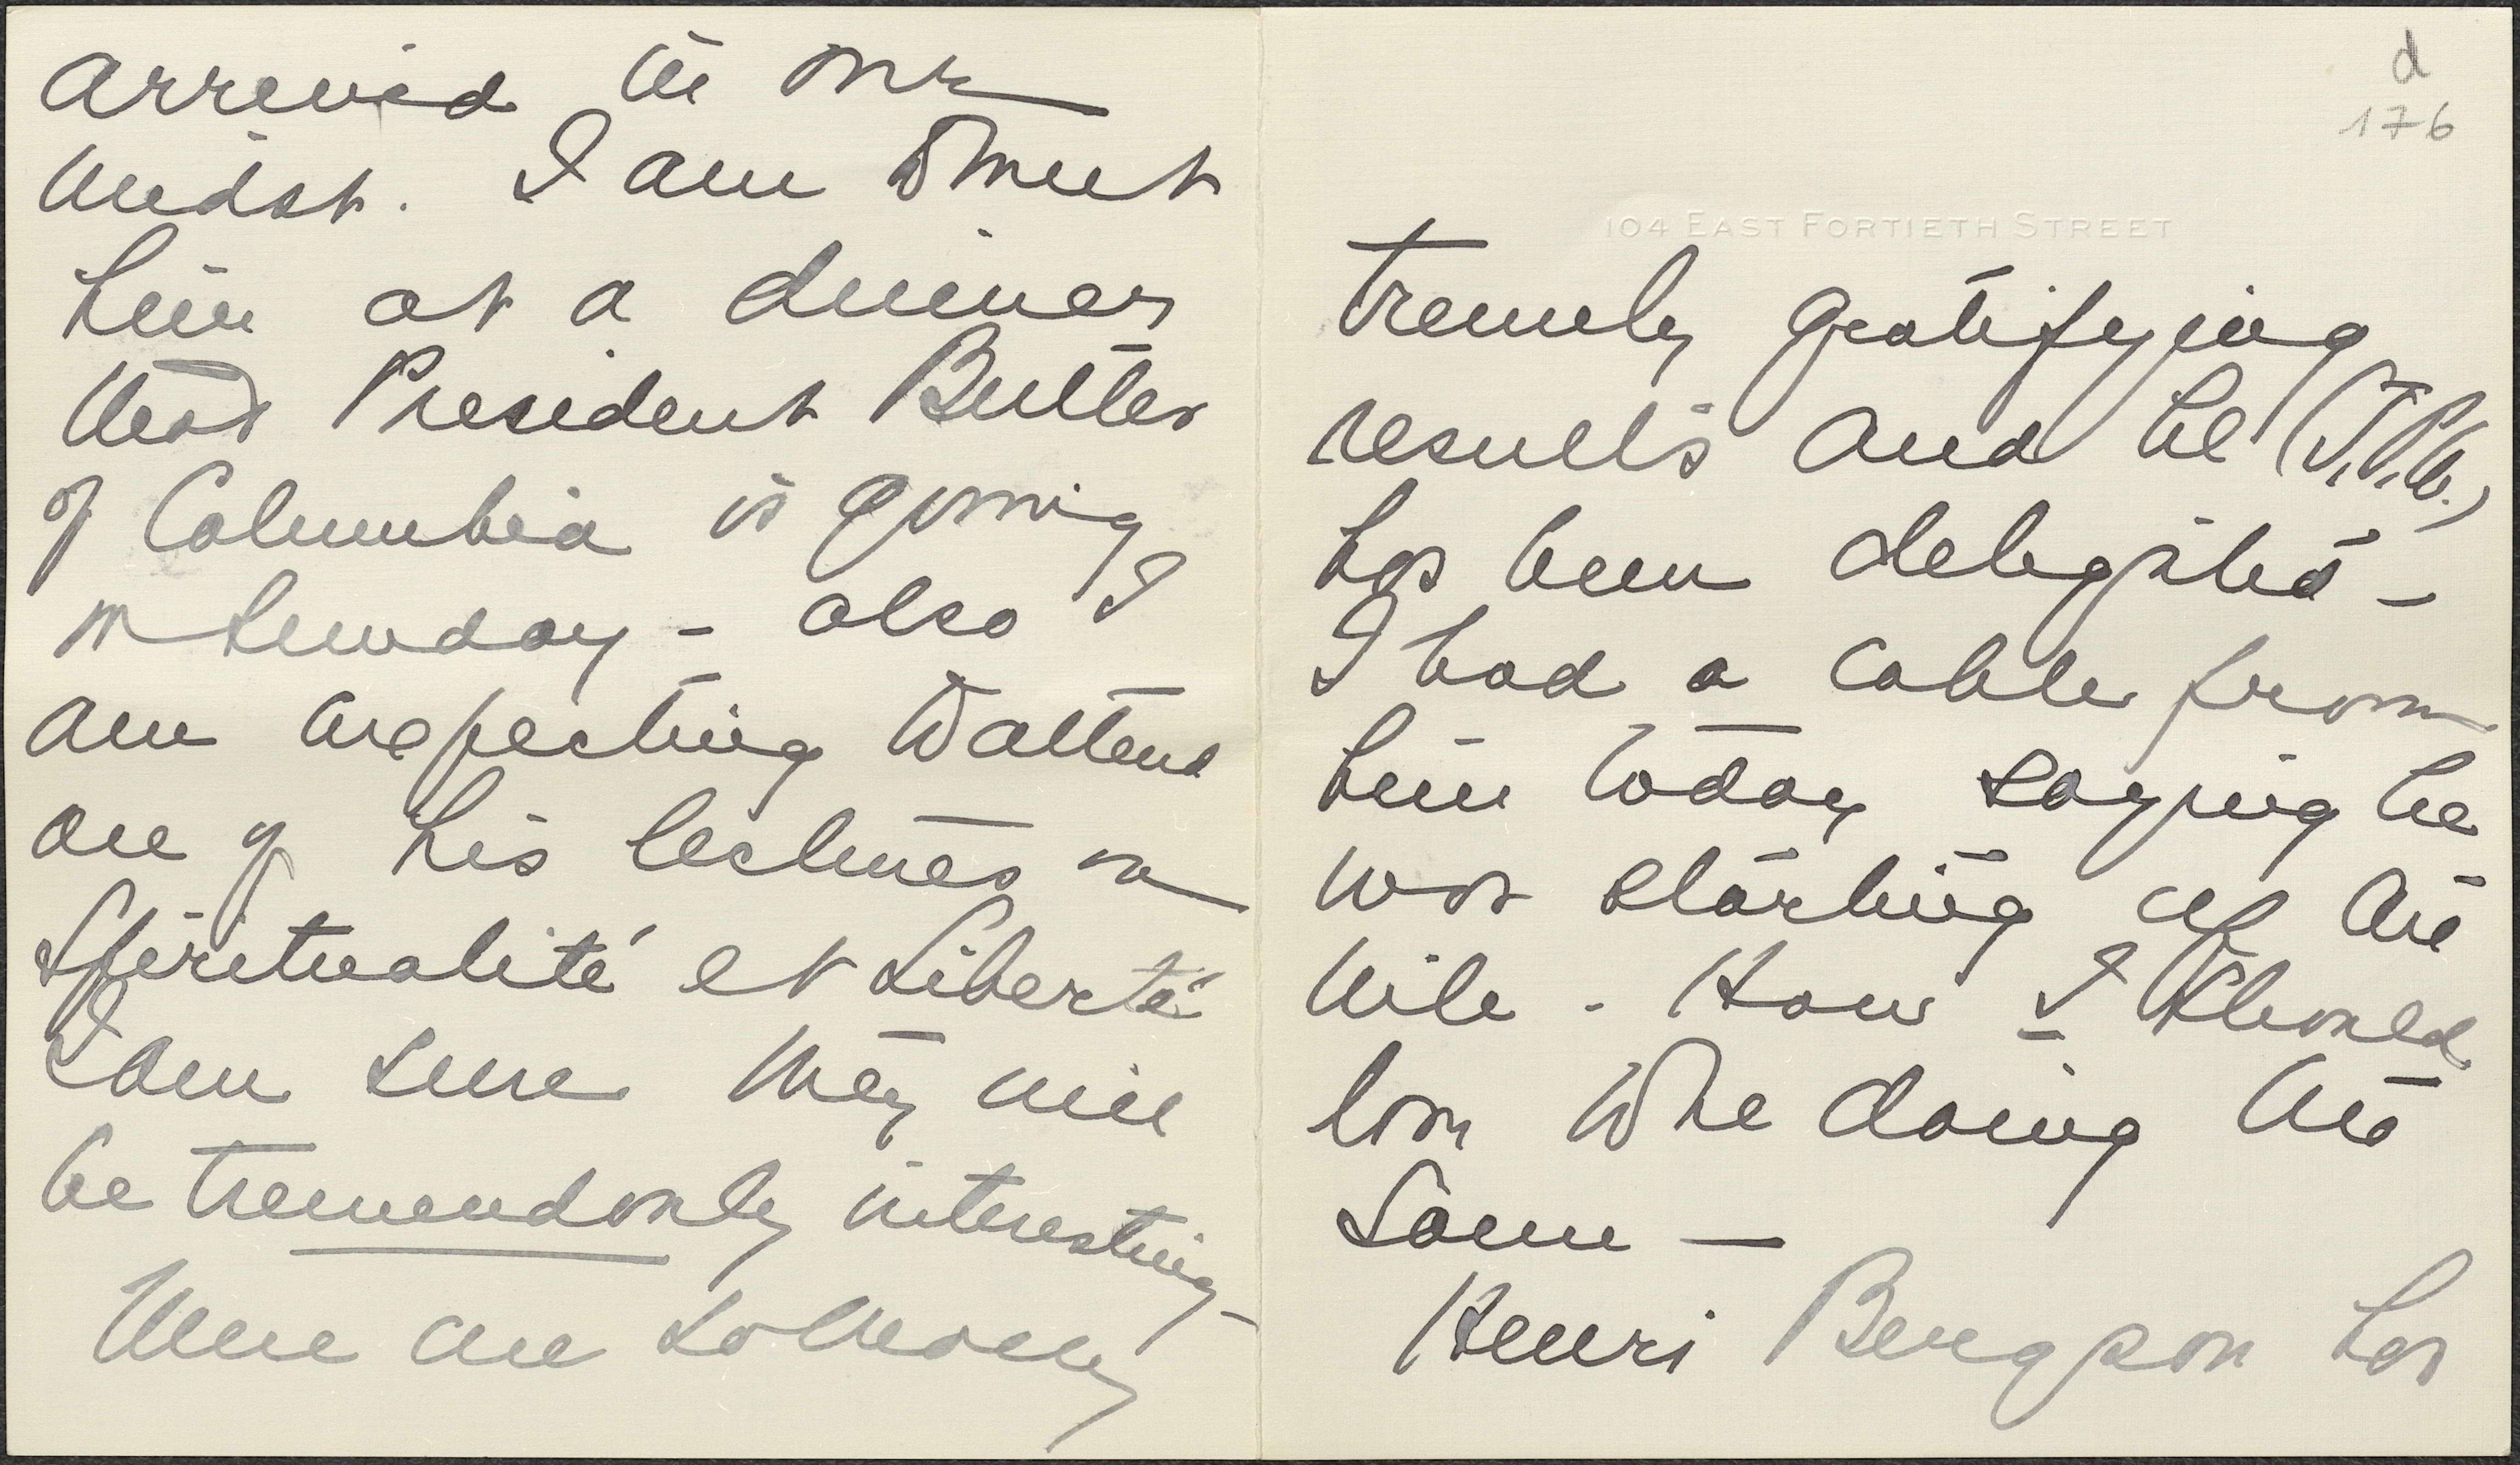gratifying results and he (J. P. M.) has been delighted – I had a cable from him today saying he was starting up the Nile – How I should love to be doing the same –
Henry Bergson has
arrived in our midst. I am to meet him at a dinner that President Butler of Columbia is giving on Sunday – also I am expecting to attend all of his lectures on Spiritualité et Liberté I am sure they will be tremendously interesting – There are so many